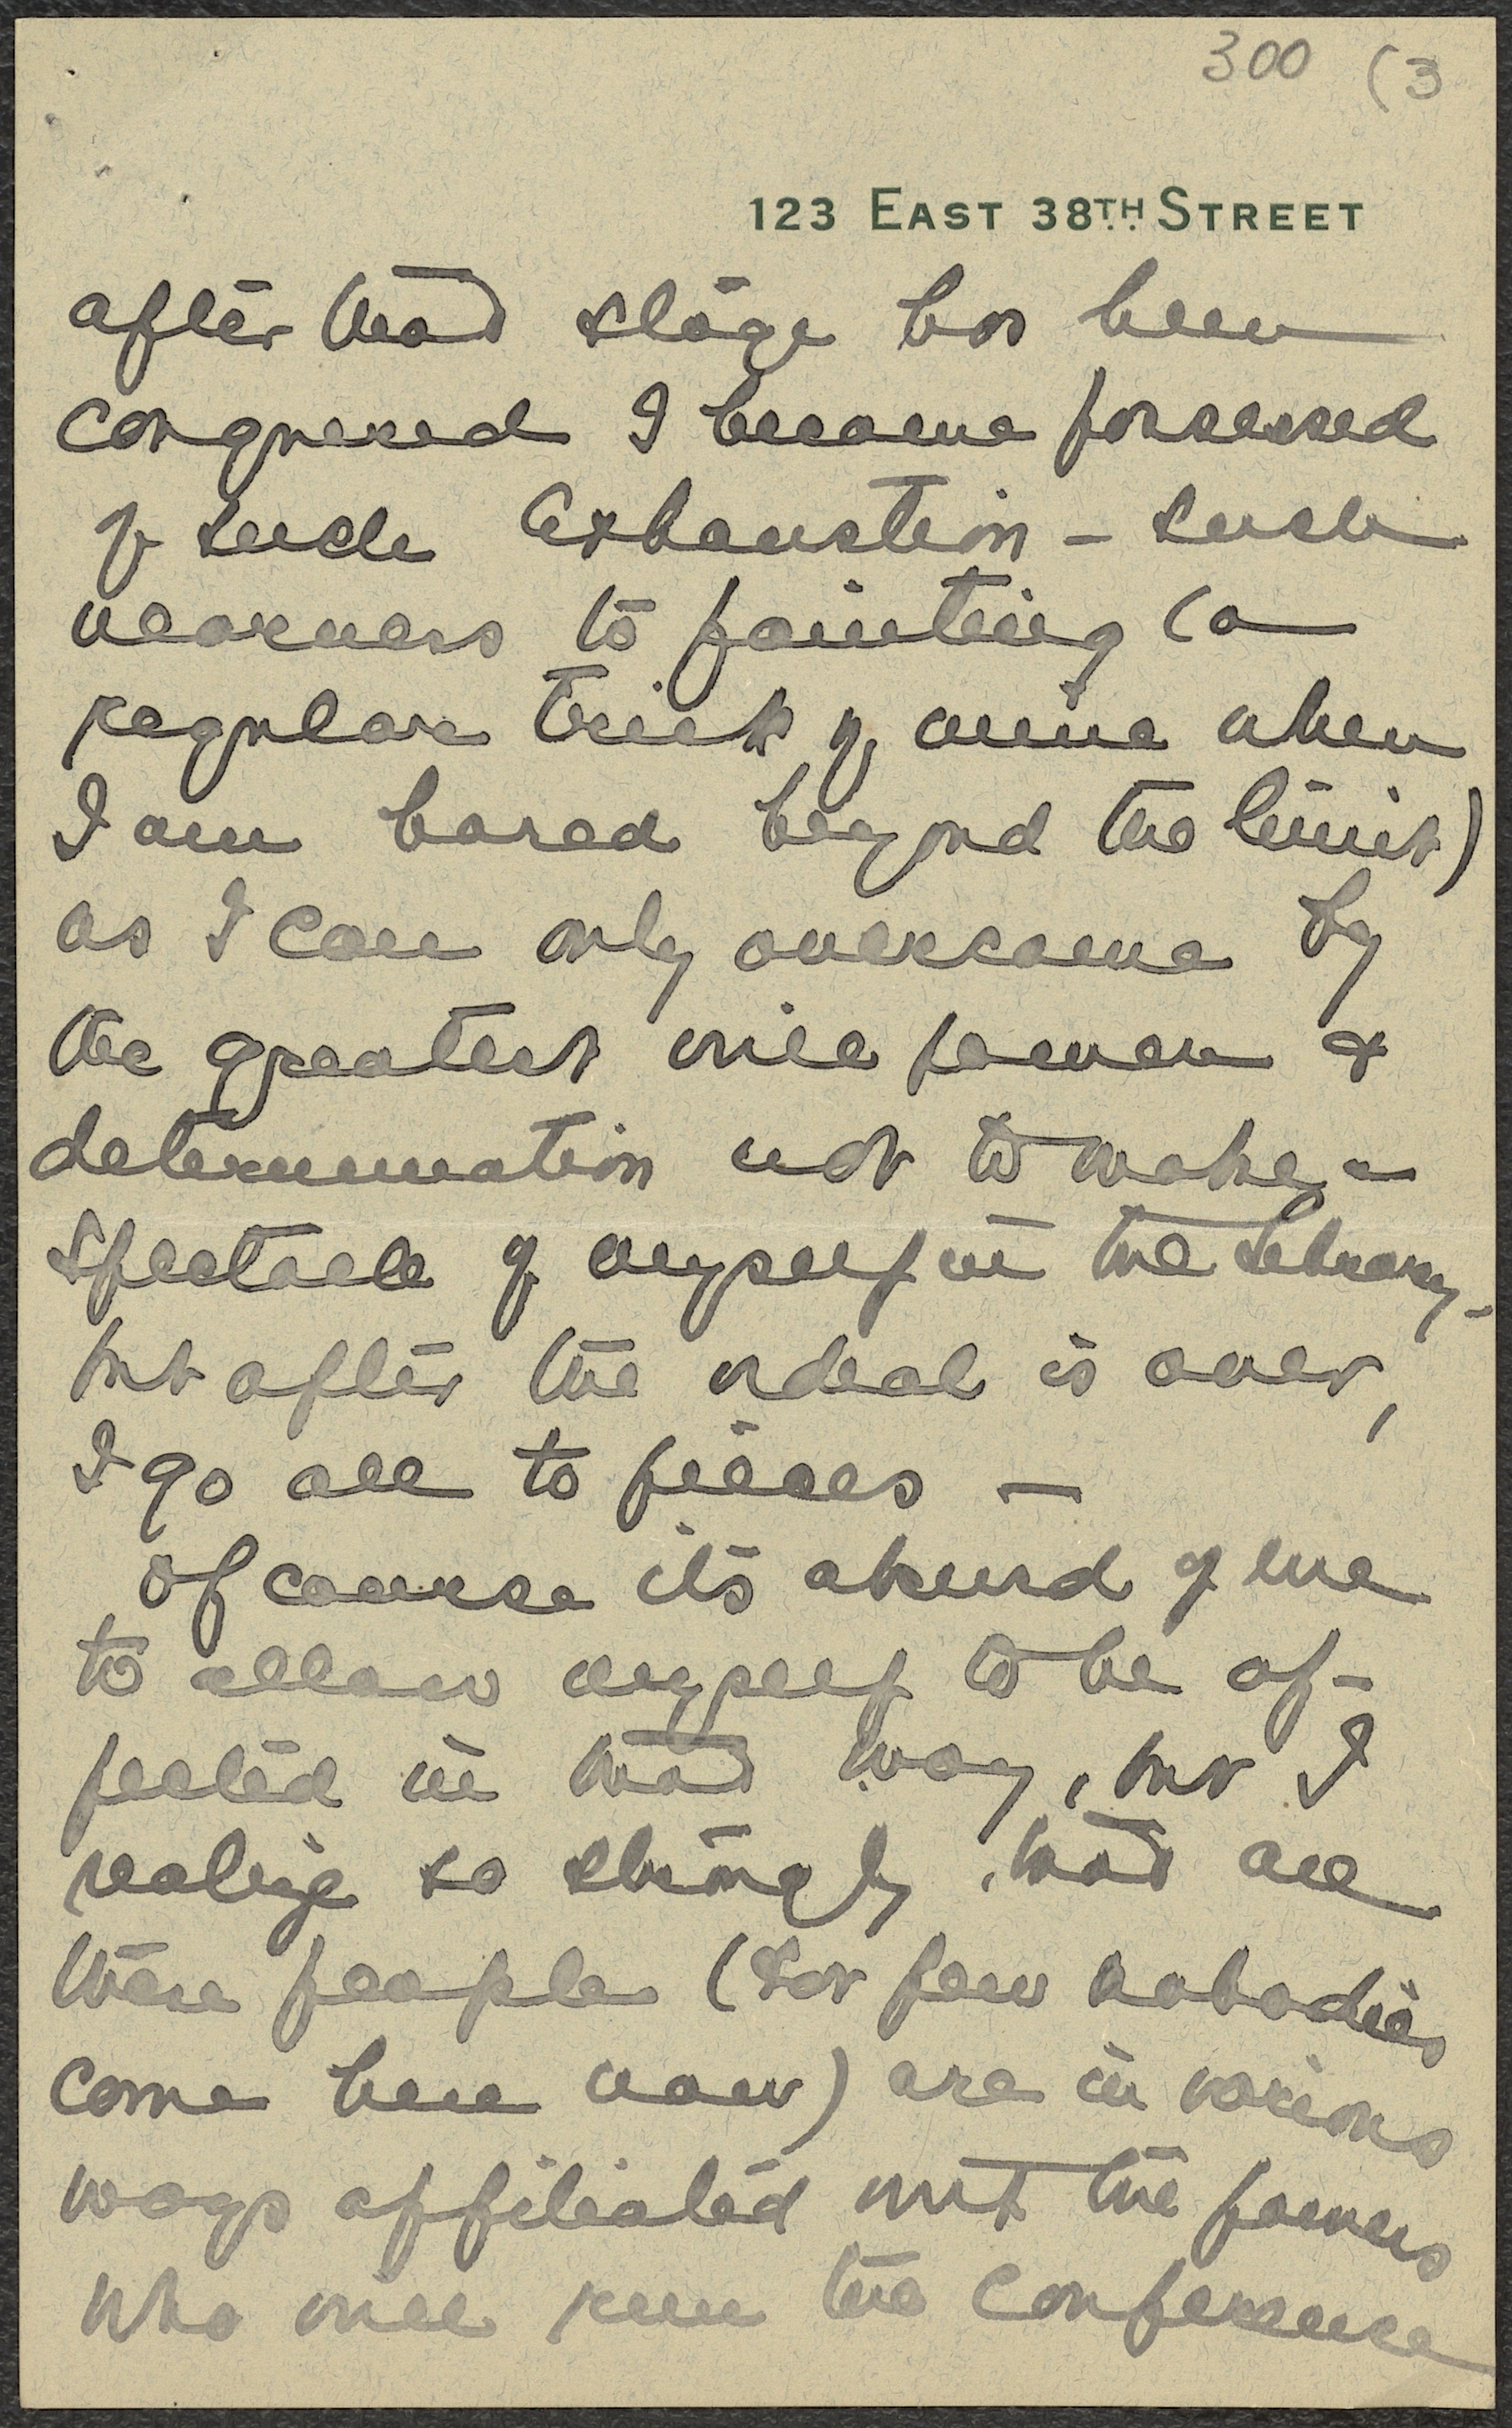after that stage has been conquered I became possessed of such exhaustion – such nearness to fainting (a regular trick of mine when I am bored beyond the limit) as I can only overcome by the greatest willpower & determination not to make a spectacle of myself in the Library – but after the ordeal is over, I go all to pieces –
Of course its absurd of me to allow myself to be affected in that way, but I realize so strongly that all these people (for few nobodies come here now) are in various ways affiliated with the powers who will run the conference